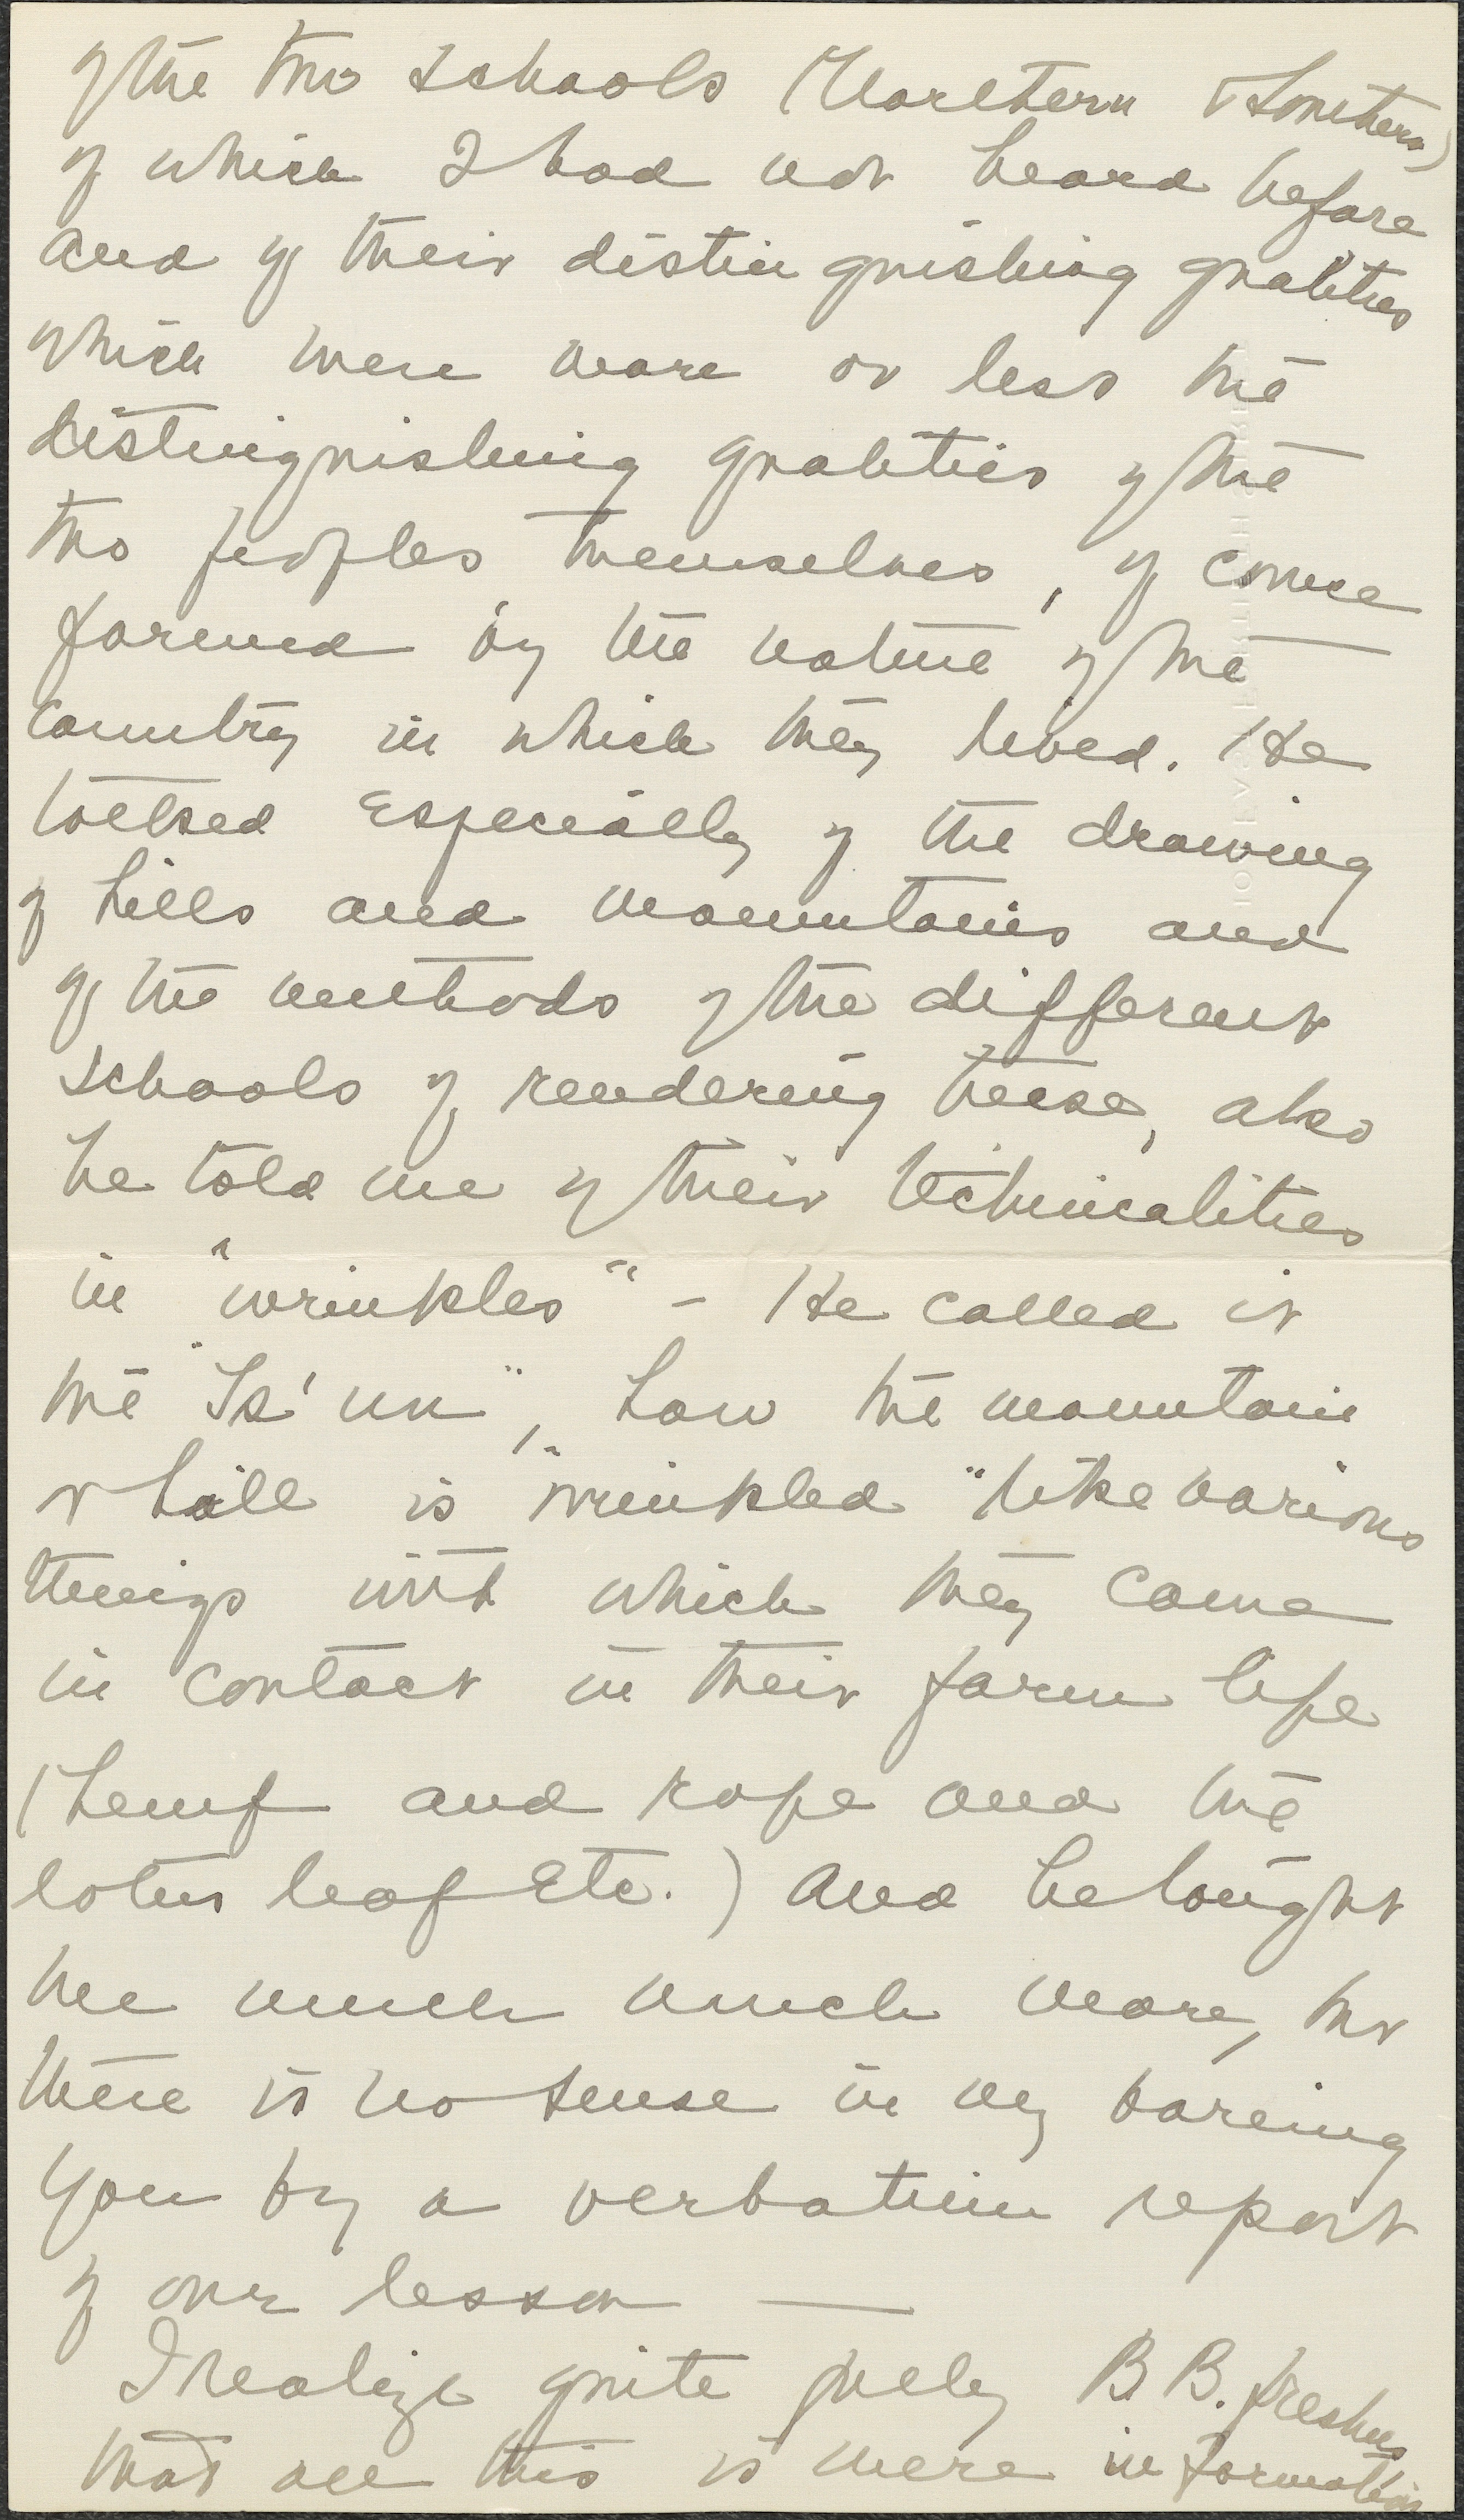of the two schools (Northern & Southern) which I had not heard before and of their distinguishing qualities which were more or less the distinguishing qualities of the two peoples themselves, of course formed by the nature of the country in which they lived. He talked especially of the drawing of hills and mountains and of the methods of the different schools of rendering these, also he told me of their technicalities in “wrinkles” – He called it the “Is’un”, how the mountain or hill is “wrinkled” like various things with which they came in contact in their farm life (hemp and rope and the lotus leaf etc.) and he taught me much much more, but there is no sense in my boreing [sic] you by a verbatim report of our lesson –
I realize quite fully B.B. preshus that all this is mere information